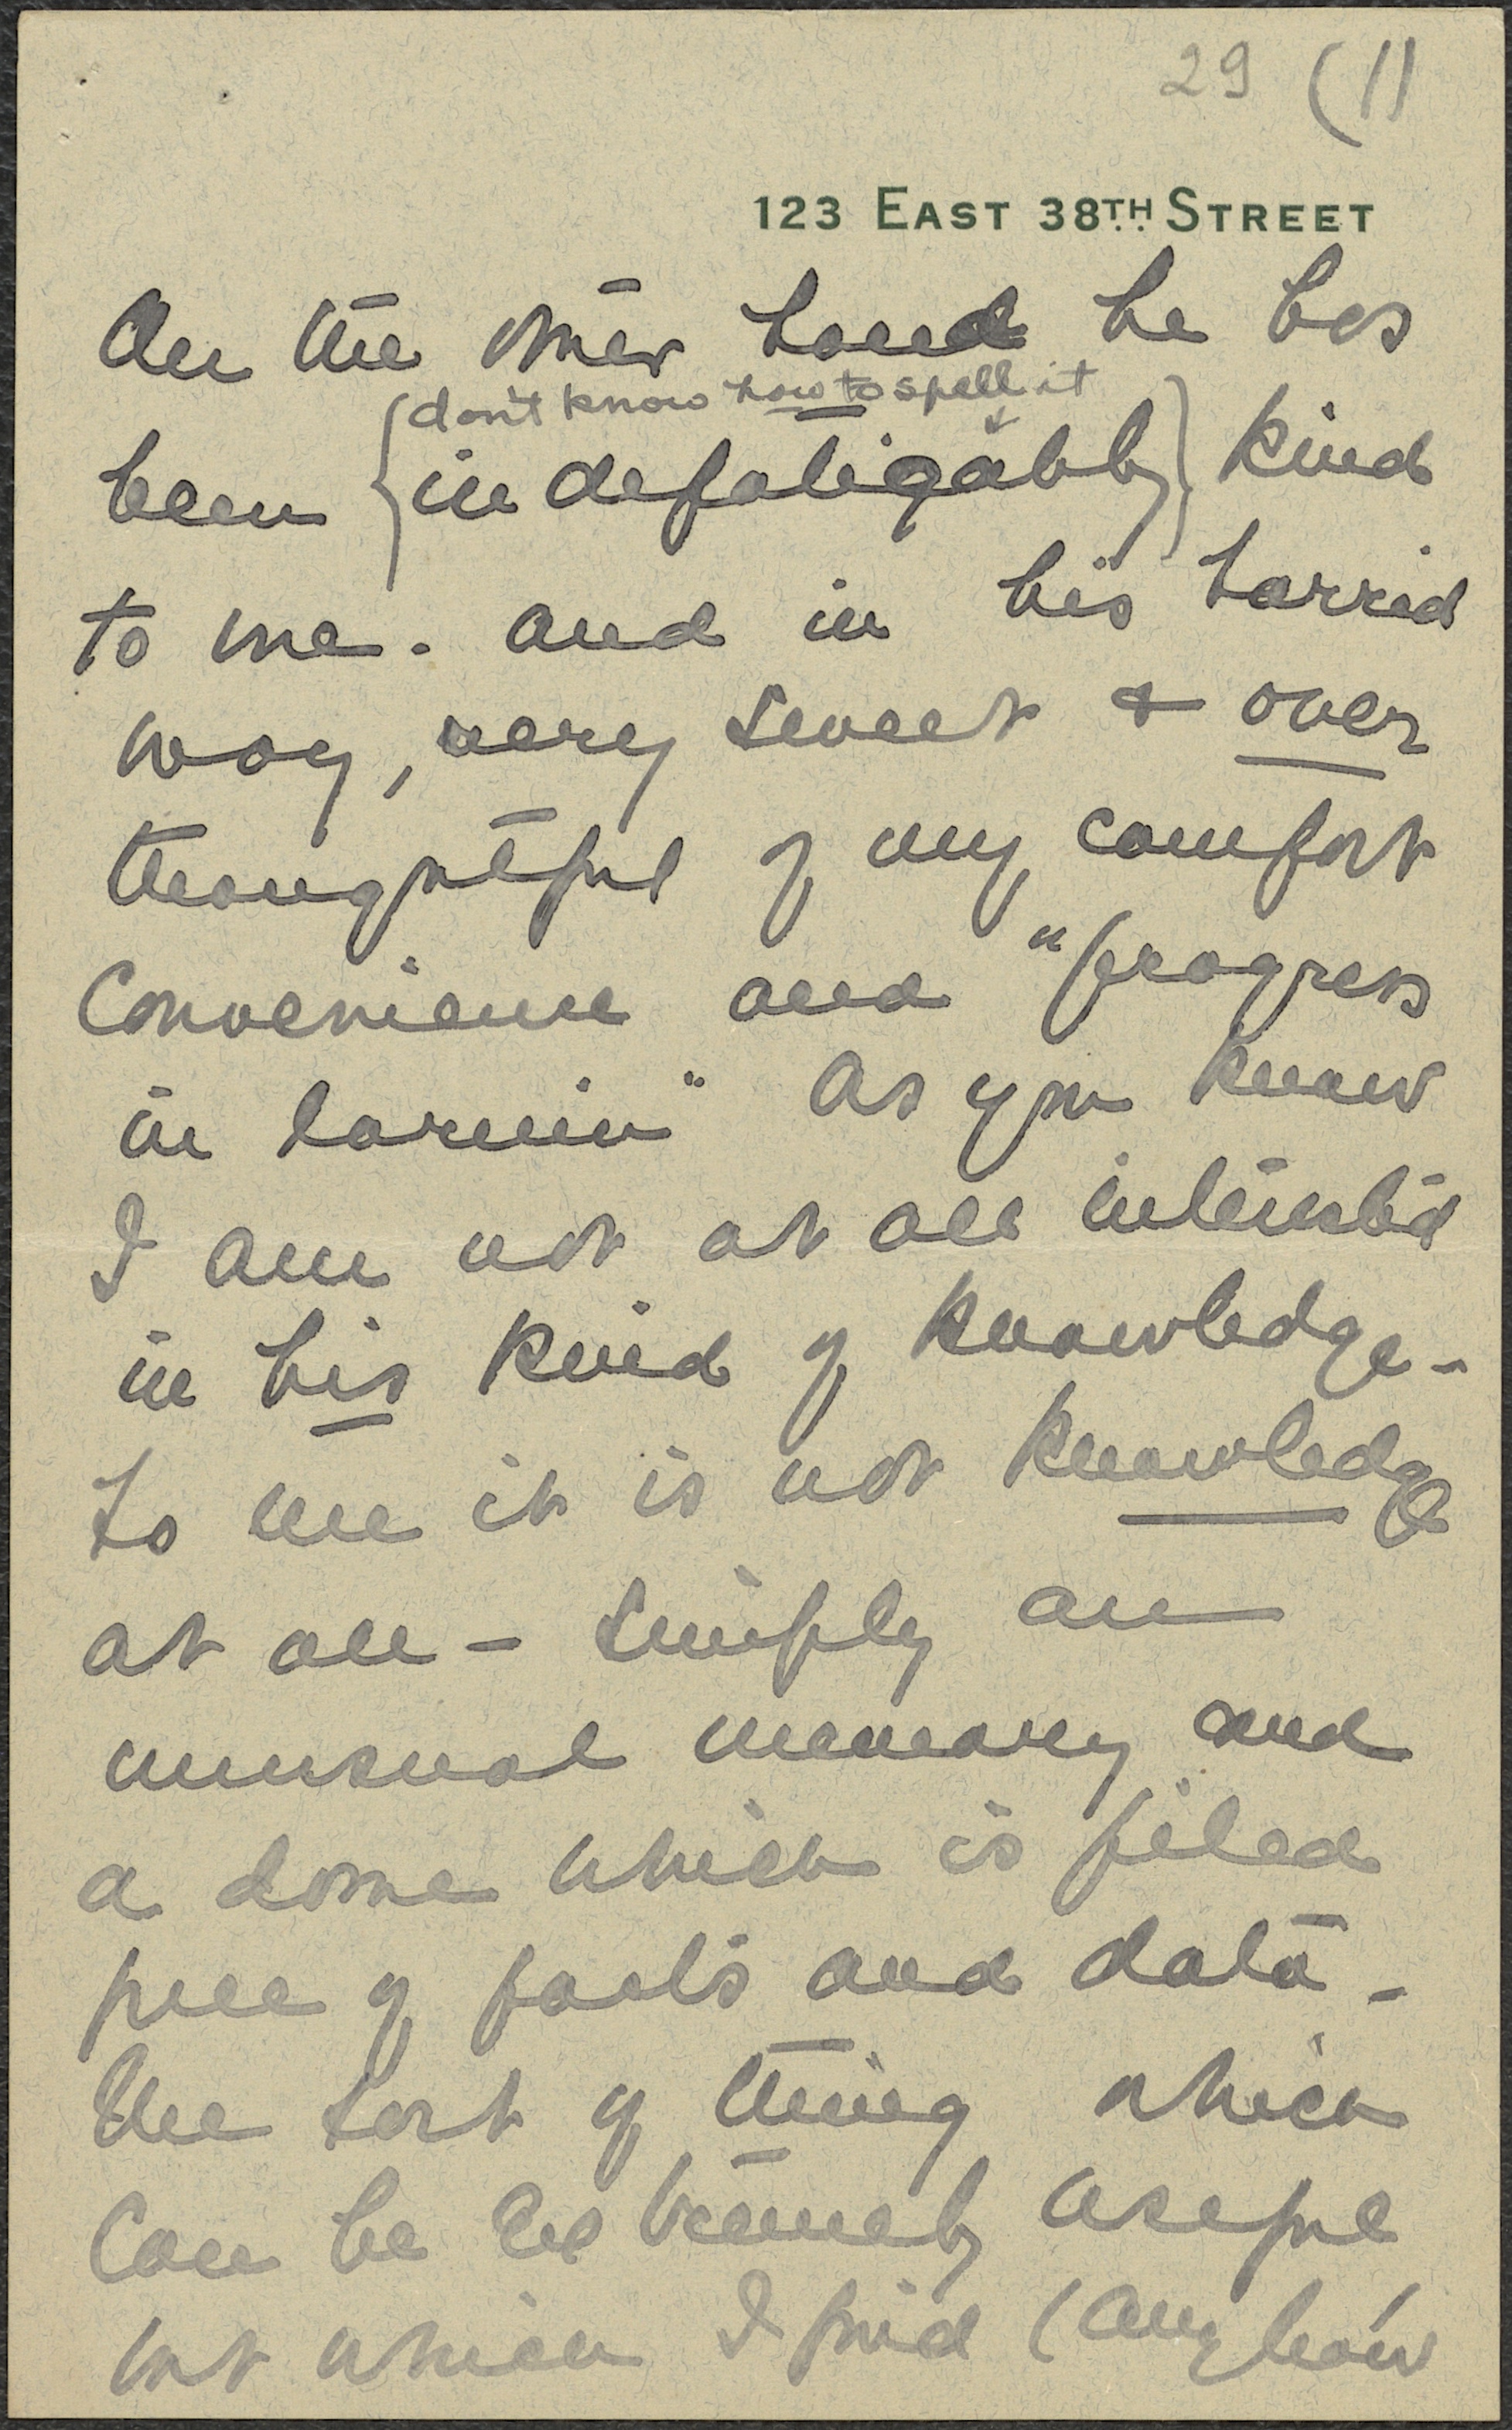On the other hand he has been [Note: brackets around "indefatigably" and insertion] indefatigably [^don't know how to spell it^] kind to me. and in his horrid way, very sweet & over thoughtful of my comfort convenience and "progress in larnin" As you know I am not at all interested in his kind of knowledge – To me it is not knowledge at all – simply an unusual memory and a dome which is filled full of facts and data – The sort of thing which can be extremely useful but which I find (anyhow